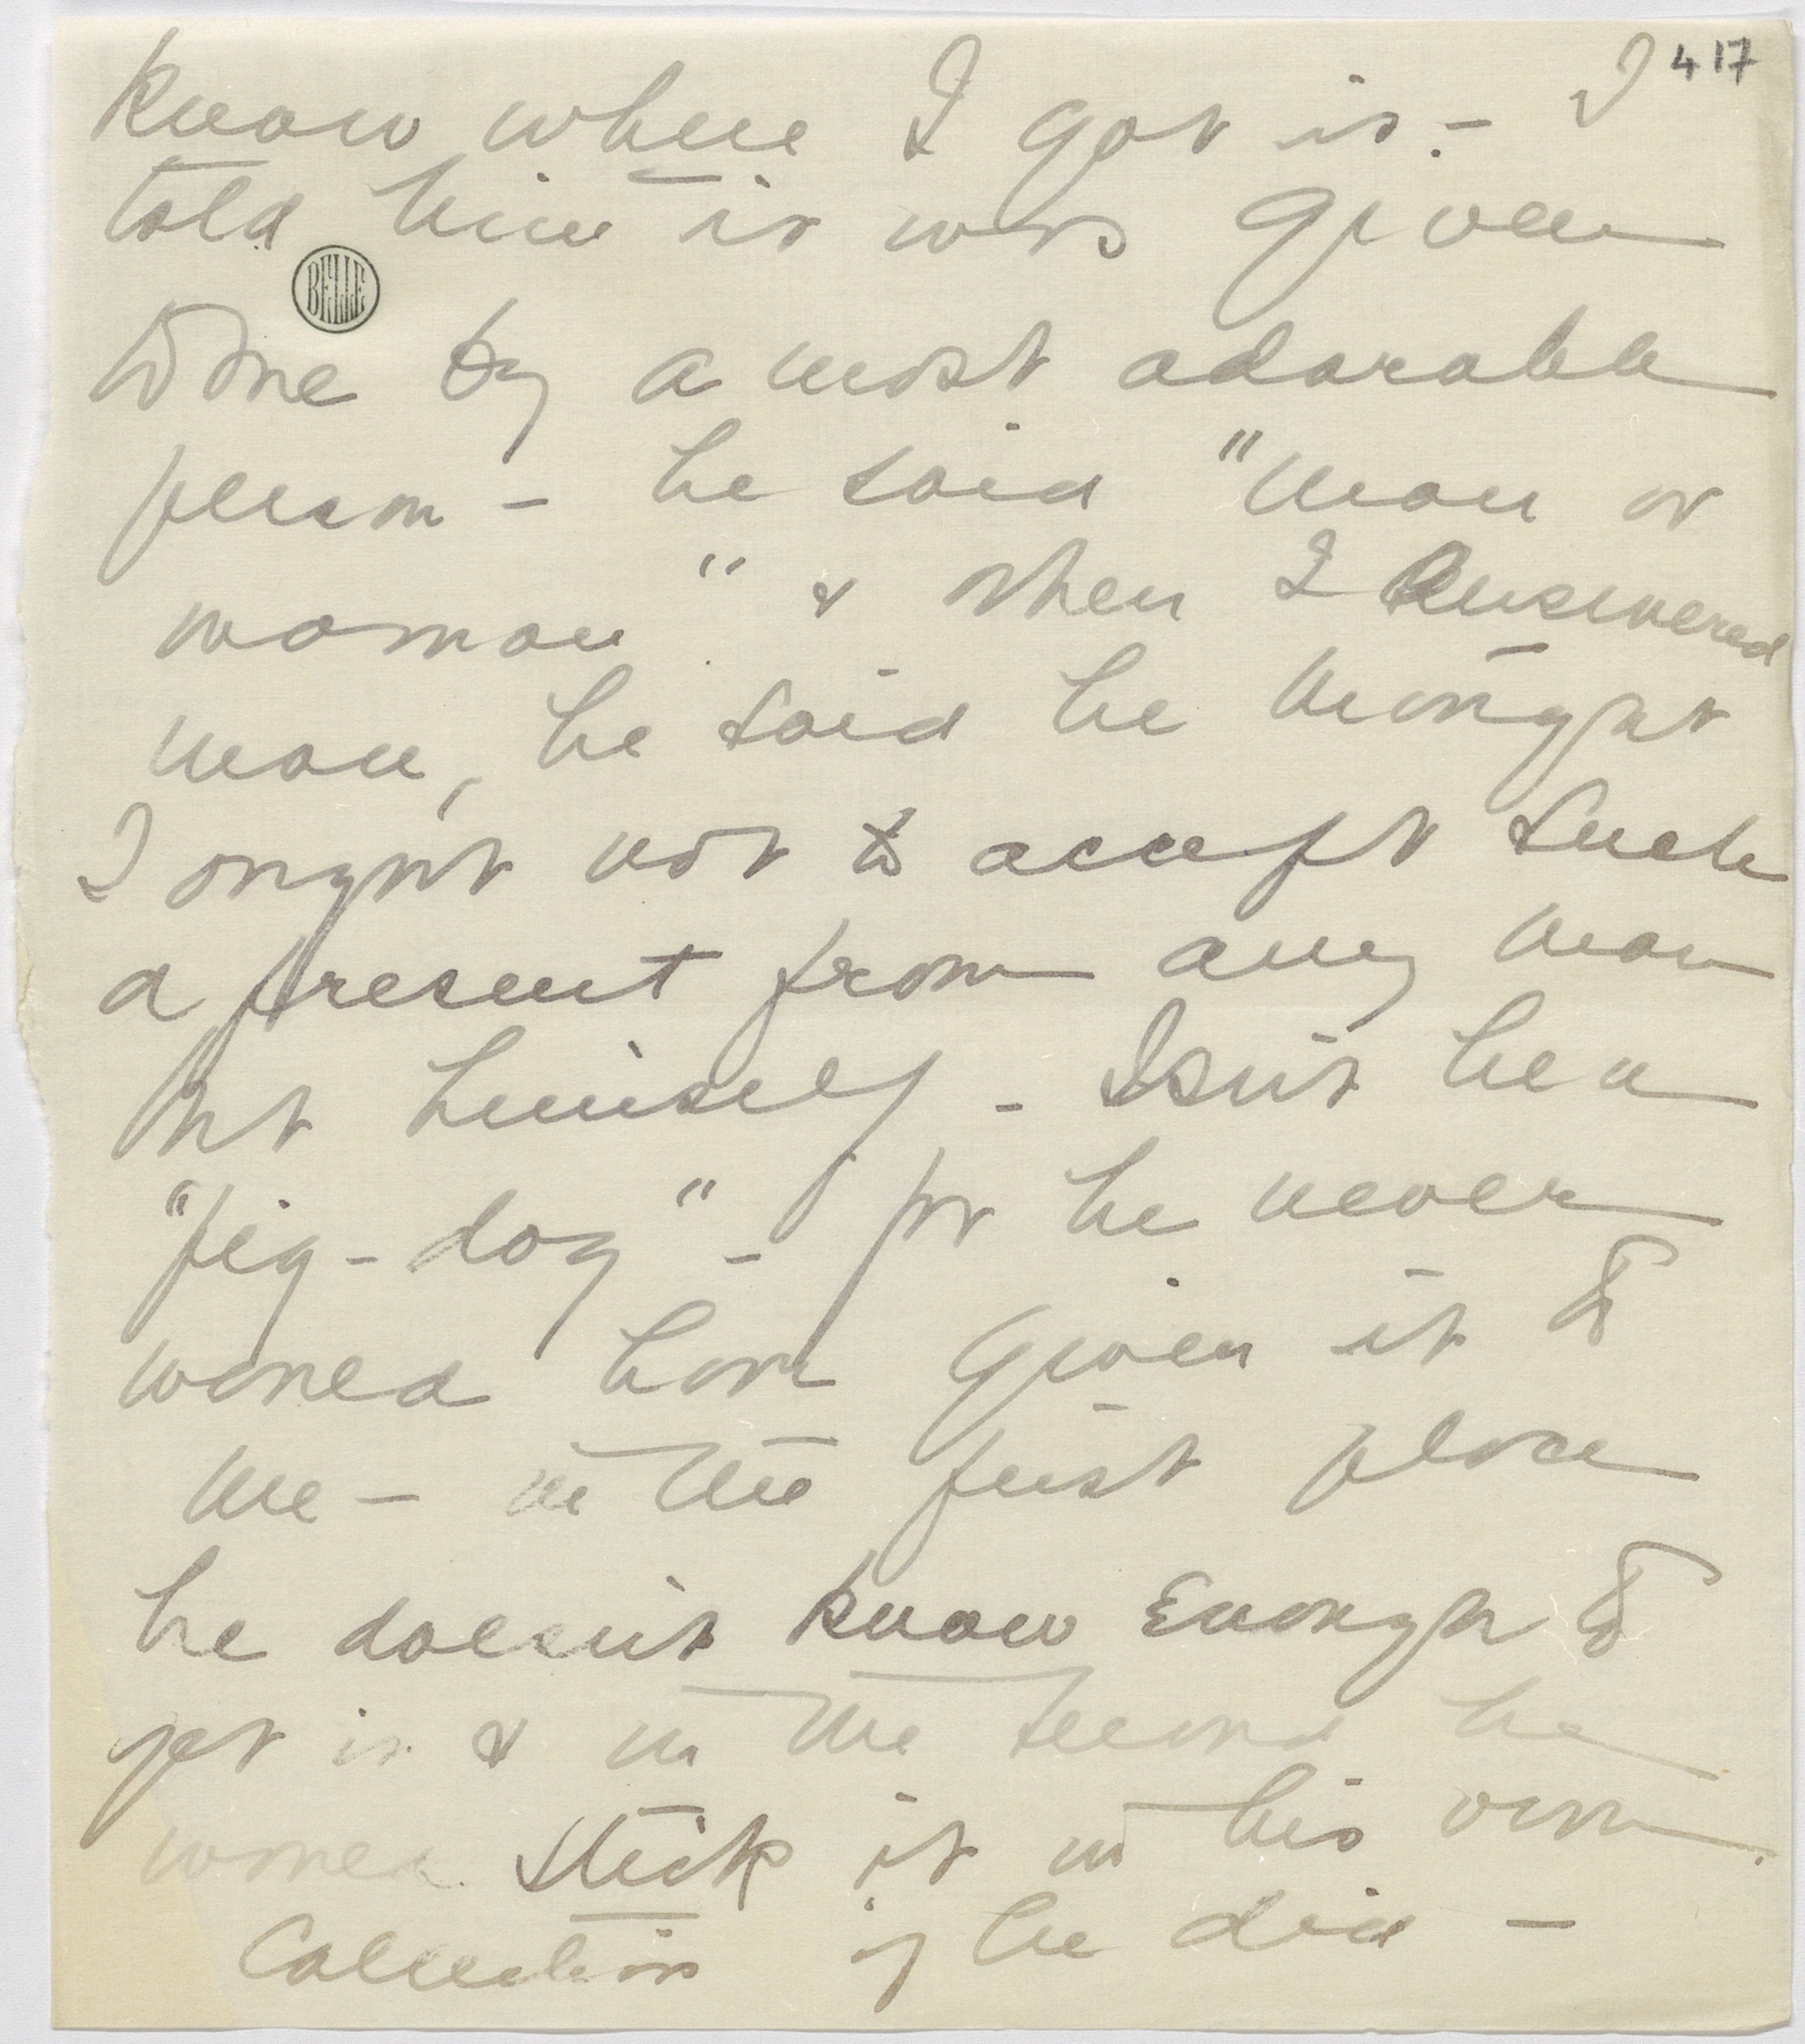know where I got it – I told him it was given to me by a most adorable person – he said “man or woman” & when I answered man, he said he thought I ought not to accept such a present from any man but himself – Isn’t he a “pig-dog” – for he never would have given it to me – in the first place he doesn’t know enough to get it & in the second he would stick it in his own collection if he did –